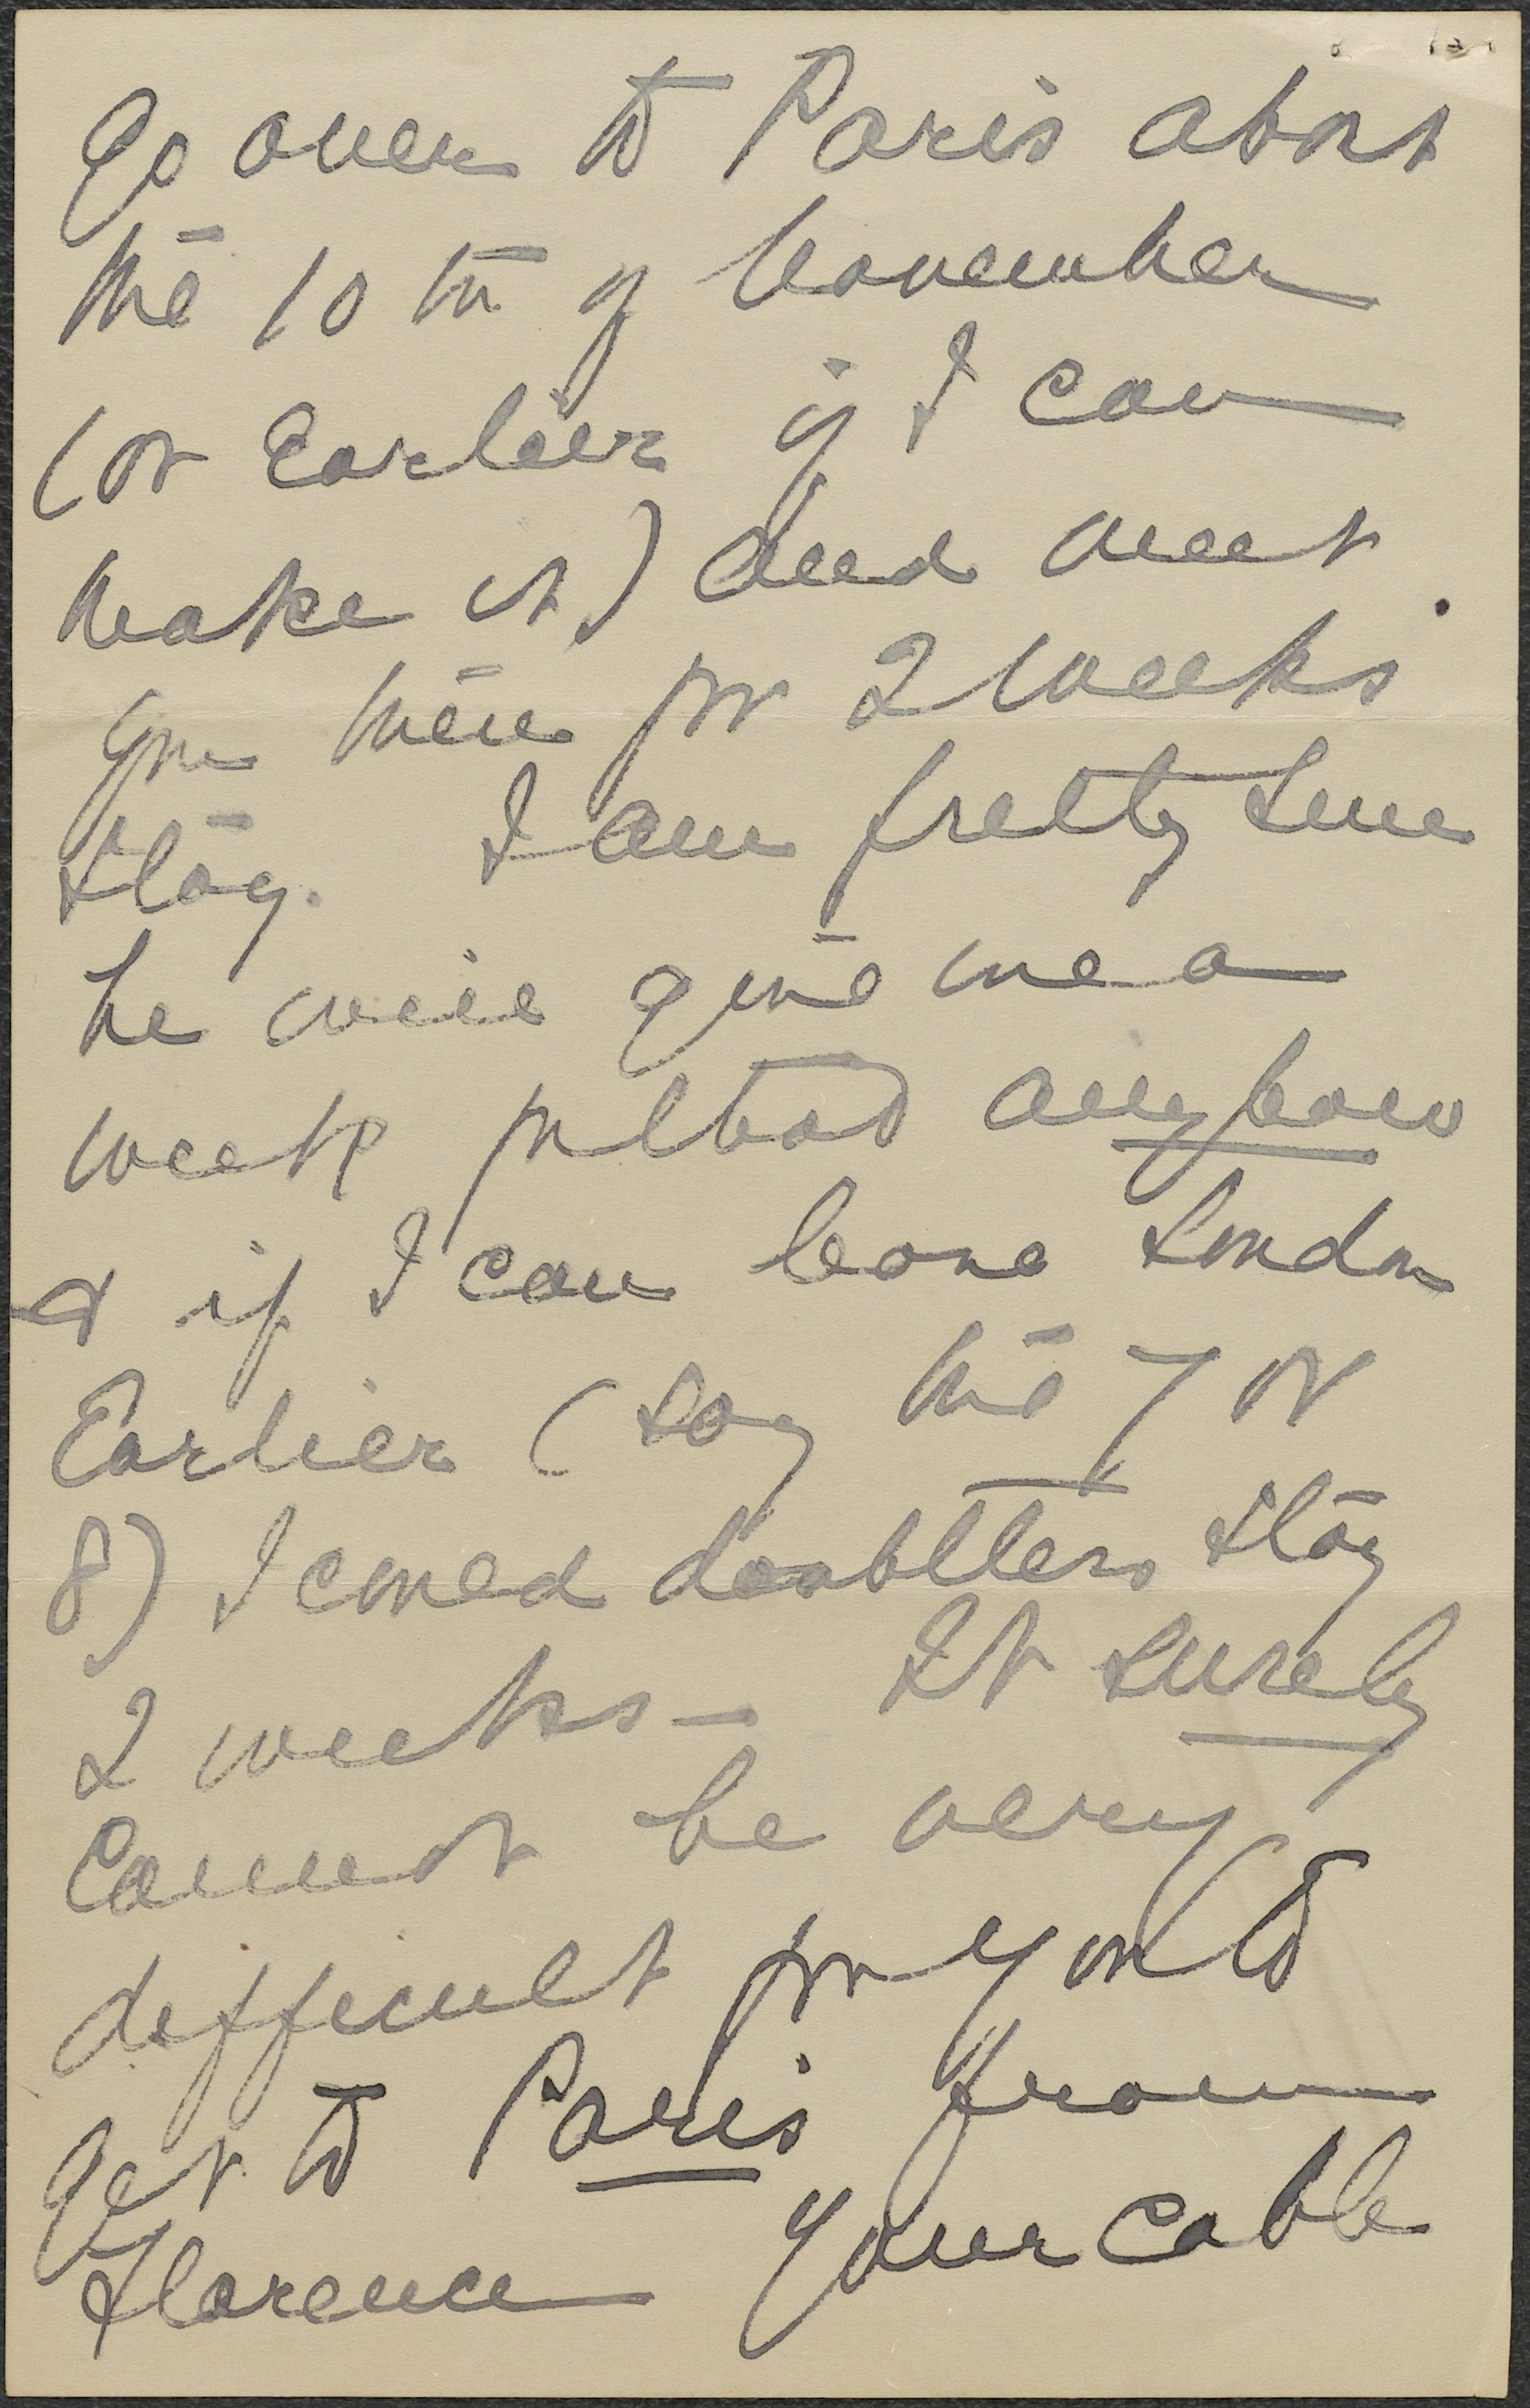go over to Paris about the 10th of November (or earlier if I can make it) and meet you there for 2 weeks stay. I am pretty sure he will give me a week for that anyhow & if I can leave London earlier (say the 7 or 8) I could doubtless stay 2 weeks – It surely cannot be very difficult for you to get to Paris from Florence – your cable